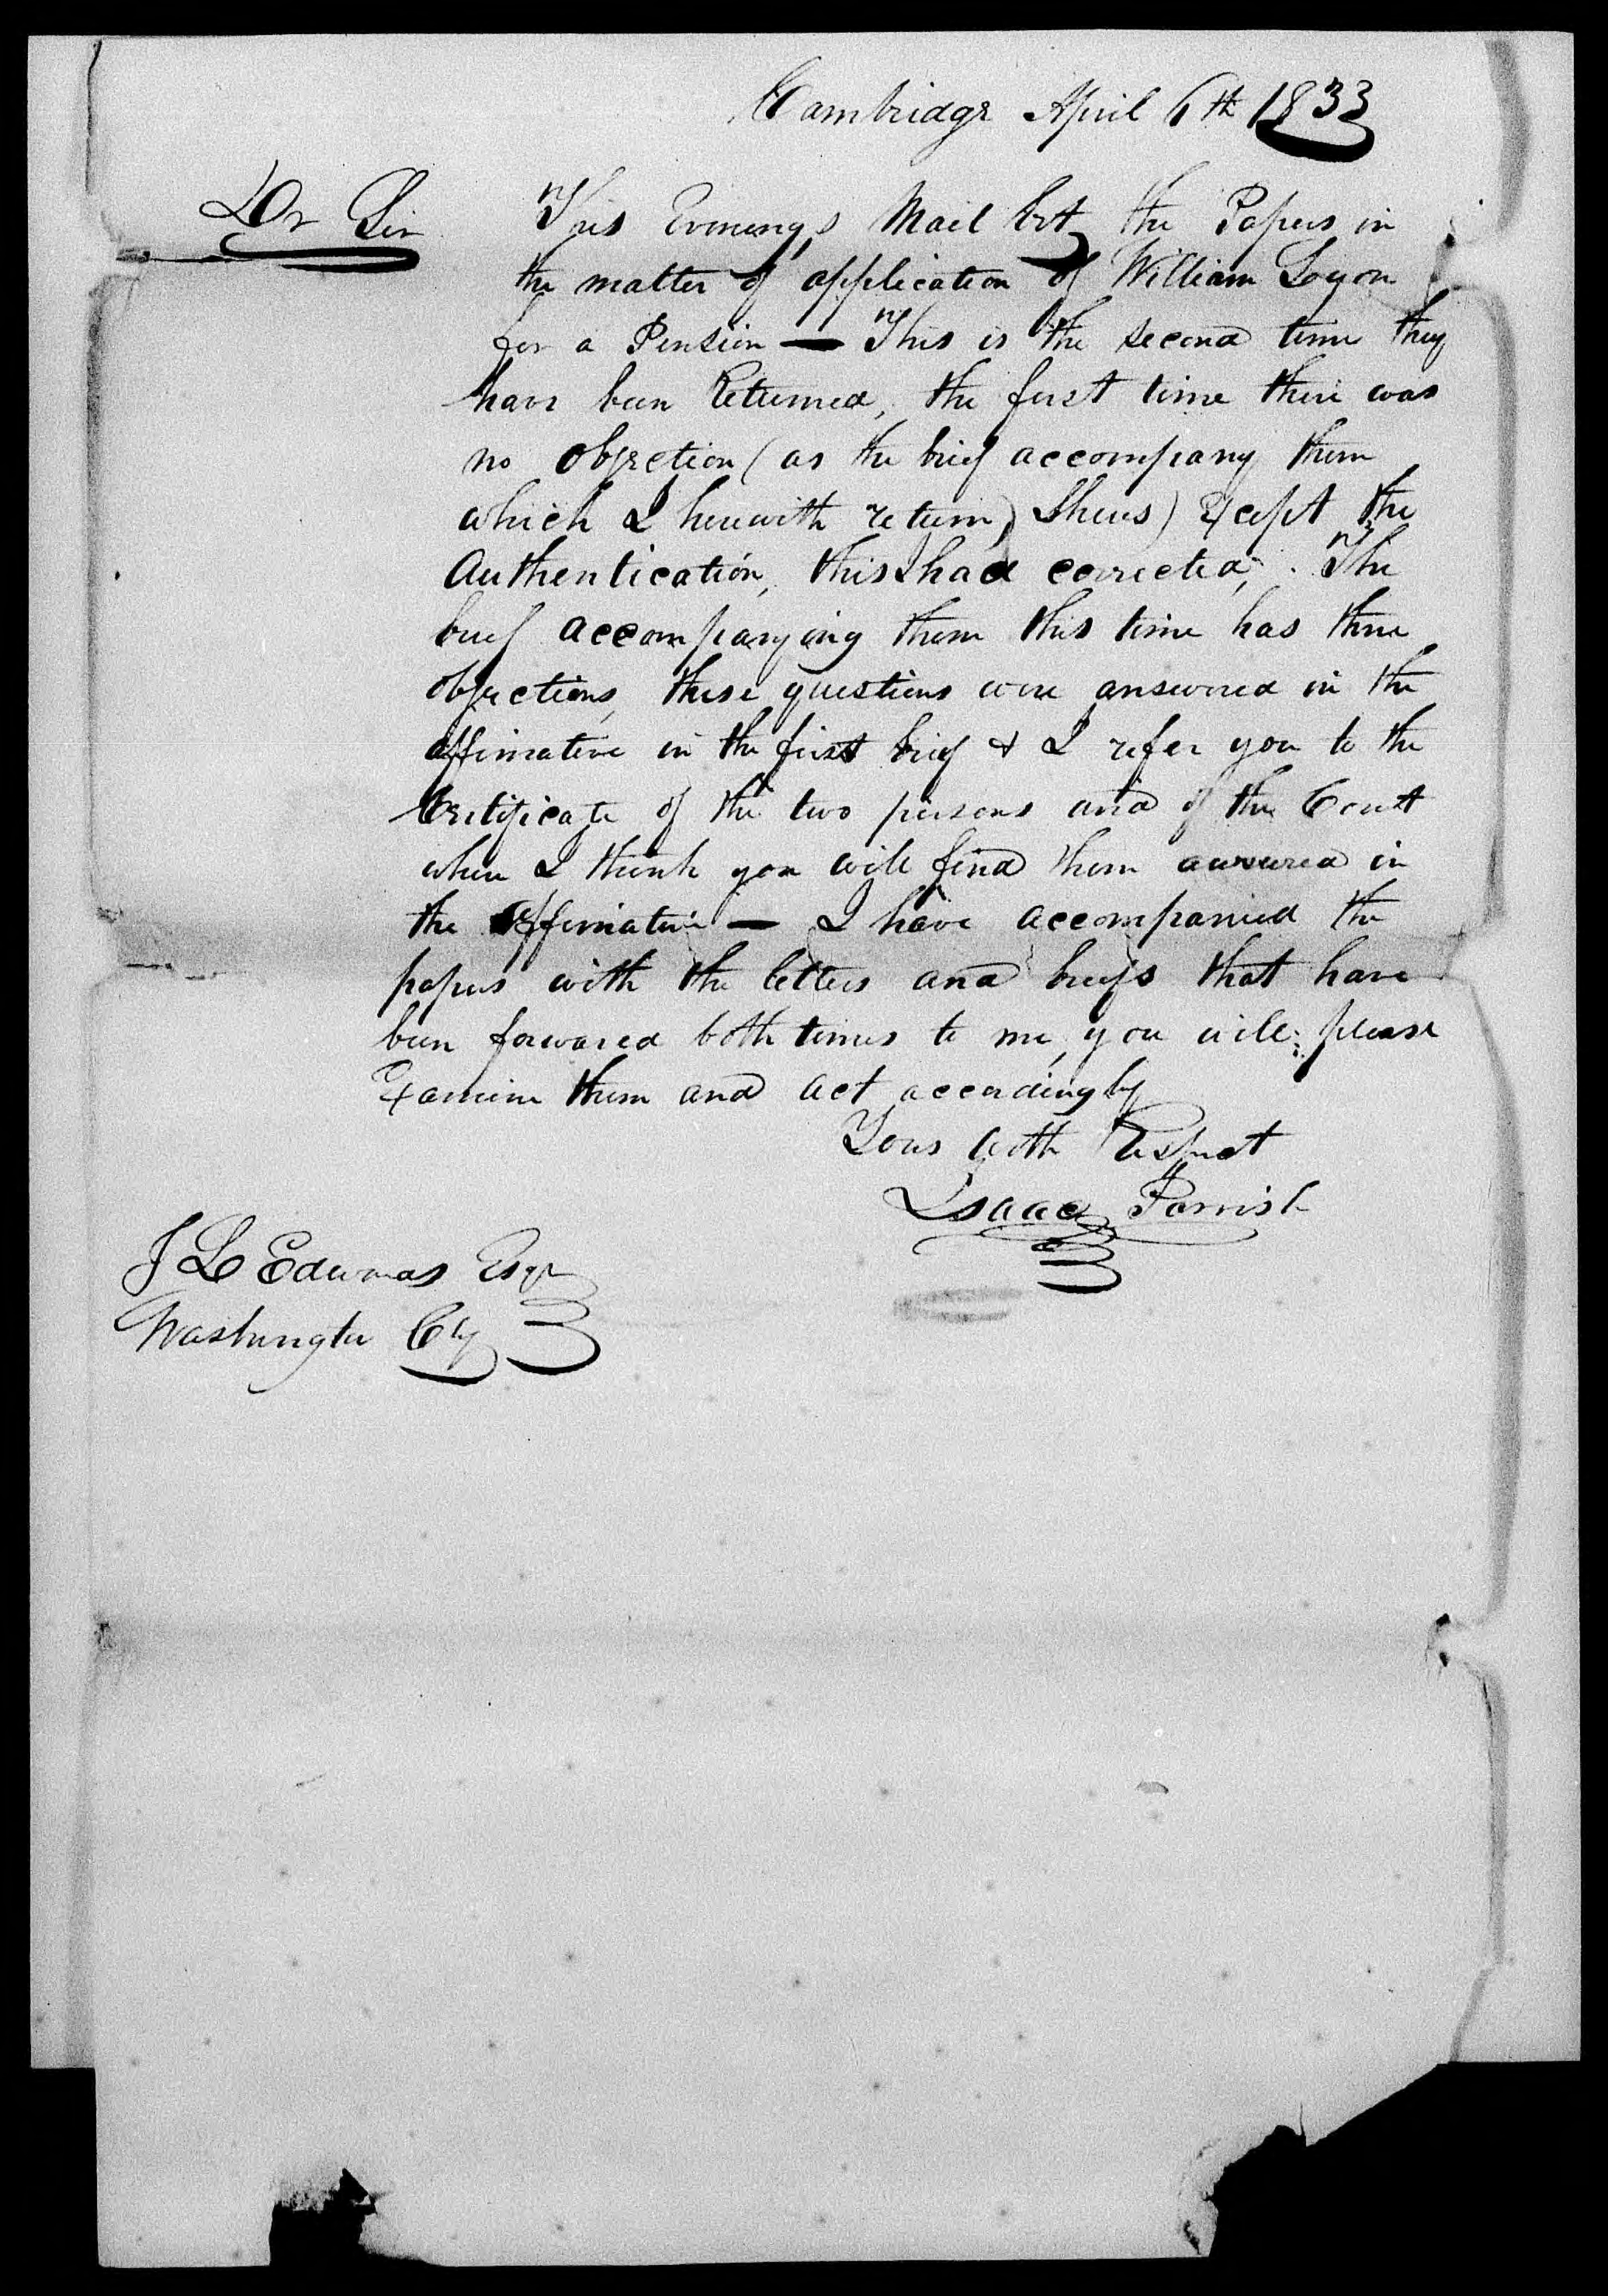Cambridge April 6th 1833
Dear Sir
This Evenings Mail art the papers of the matter of application of William Lyons for a Pension. This is the second time they have been Returned, the first time there was no objection (as the brief accompany them which I herewith return). These except the authentication, this I had corrected. the brief accompanying them this time has their objections these questions were answered in the affirmation in the first brief and I refer you to the the Certificate of the two persons and of the Court when I think you will find them answered in the Affirmation. I have accompanied the papers with the letters and briefs that have been forwarded both times to me you will please Examine them and act accordingly.
Yours with Respect
Isaac Parrish 
JL Edwards Esq
Washington D.C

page: 41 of 41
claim: survivor's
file: S. 4585, for William Lyons, Pennsylvania